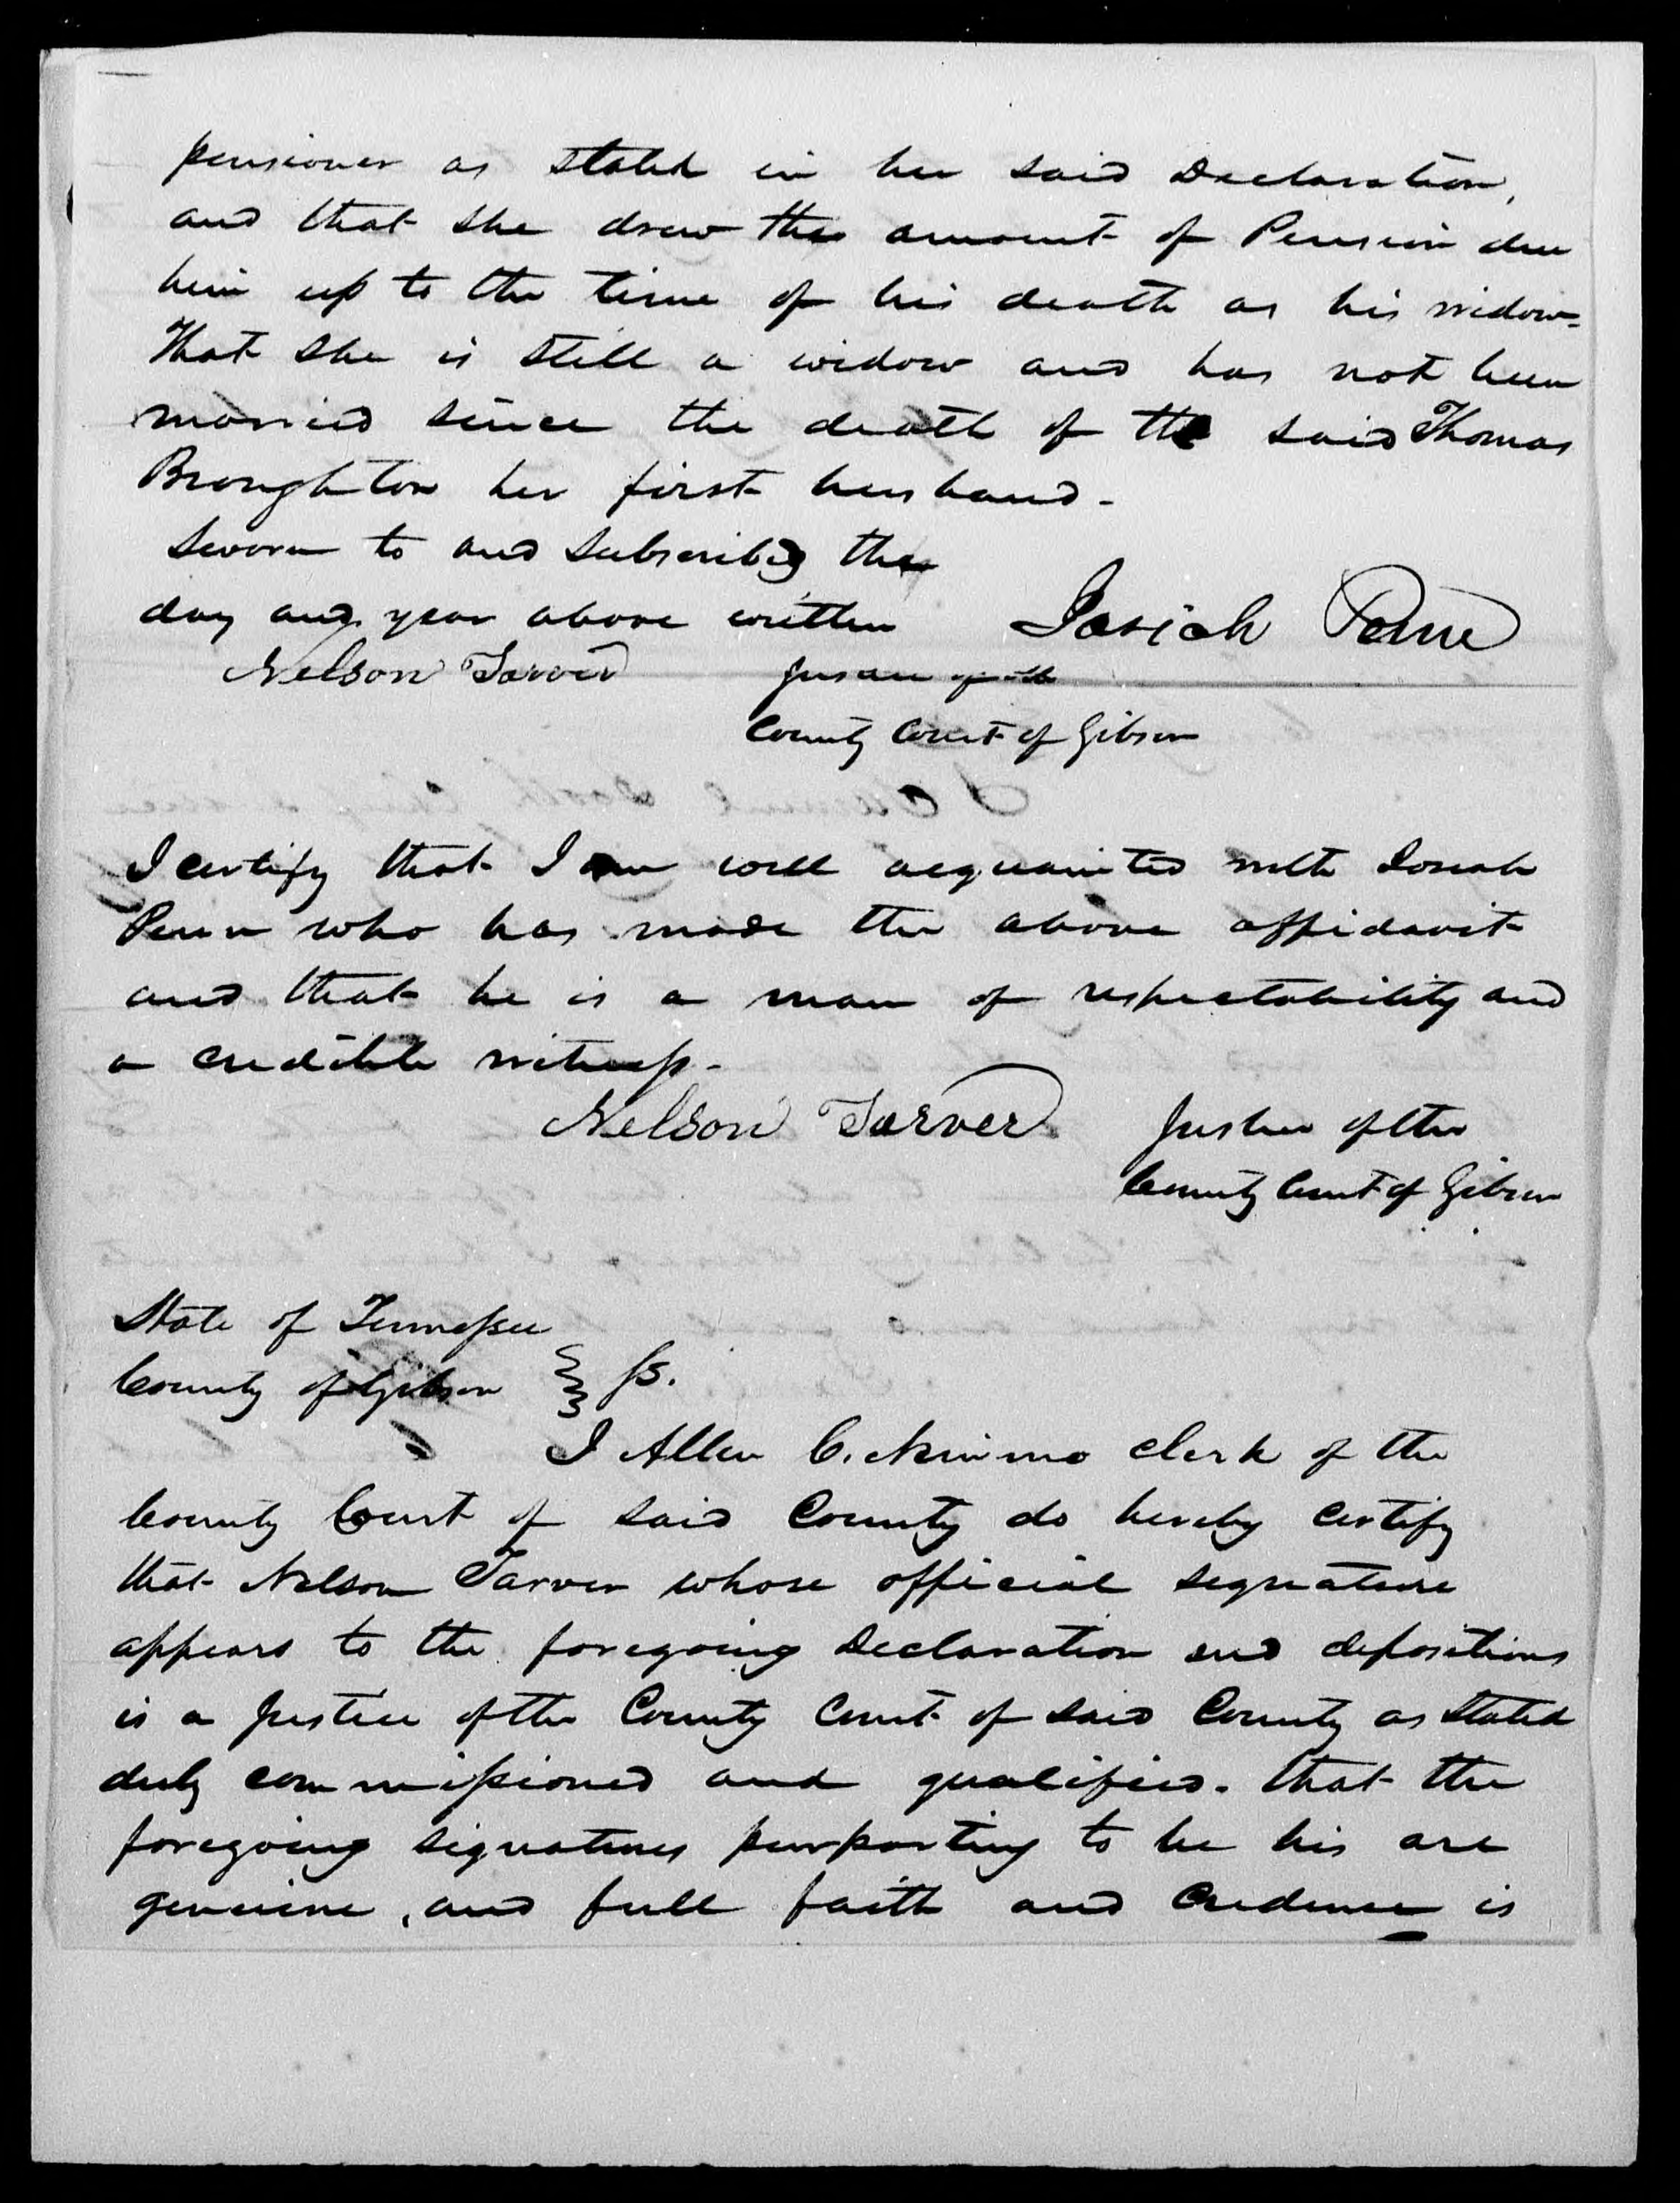pensioner as stated in her said Declaration
and that she drew this amount of Pension due
him up to the time of his death as his widow
That she is still a widow and has not been
married since the death of the said Thomas
Broughton her first husband
Sworn to and subscribed this
day and year above written Josiah Penn
Nelson Tarver Justice of the
County Court of Gibson

I certify that I am well acquainted with Josiah
Penn who has made the above affidavit-
and that he is a man of respectability and
a credible witness-
Nelson Tarver
Justice of the
County Court of Gibson

State of Tennessee}
County of Gibson   } SS
I Allen C. Nimmo Clerk of the
County Court of said County do hereby certify
that Nelson Tarver whose official signature
appears to the foregoing declaration and depositions is a Justice of the County Court of said County as stated duly commissioned and qualified, that the foregoing signatures purporting to be his are genuine and full faith and credence is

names: Josiah Penn, Josiah Penn, Thomas Broughton, Allen C Nimmo, Nelson Tarver, Nelson Tarver, Nelson Tarver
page: 19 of 72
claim: widow's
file: W. 897, Thomas Broughton, S.C.